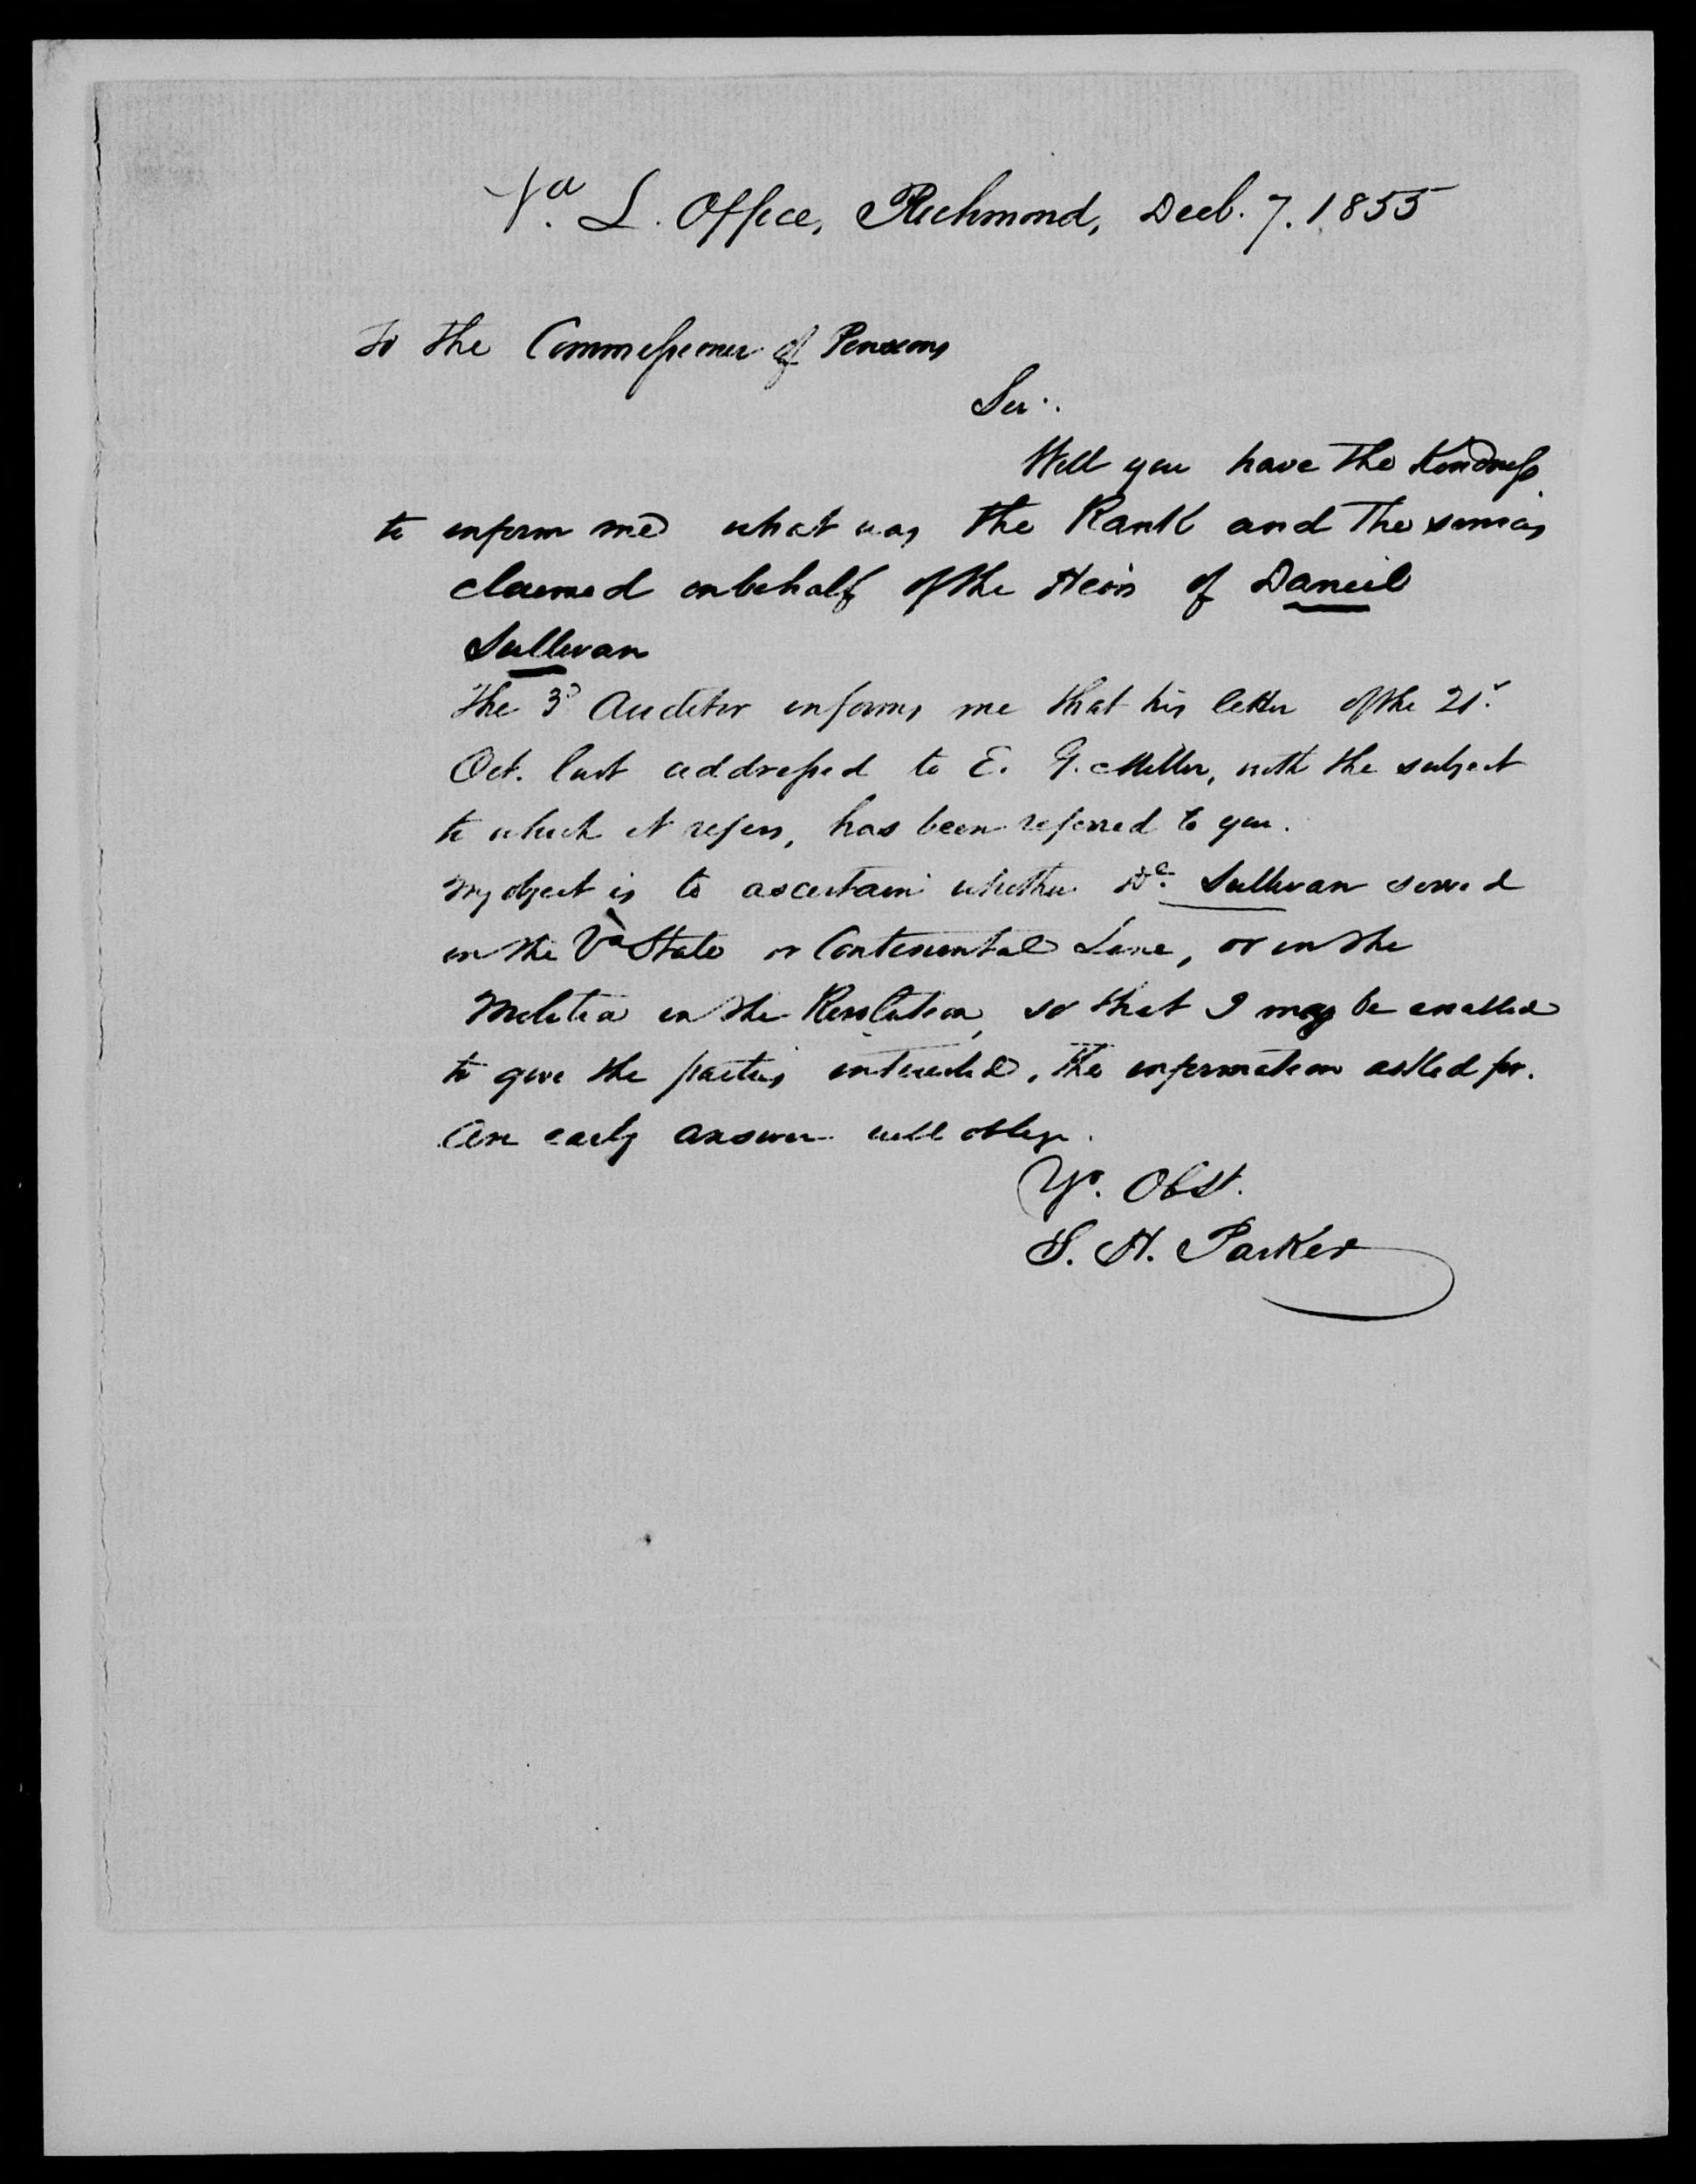La. L. Office, Richmond, Dec'b 7, 1855

To the Commissioner of Pensions

Sir:

Will you have the kindness to inform me what was the Rank and the [illegible] claimed on behalf of the heirs of Daniel Sullivan

The 3d Auditor informs me that his letter of the 21st. Oct. last addressed to E. G. Miller, with the subject to which it refers, has been referred to you.

My object is to ascertain whether De. Sullivan served in the Va State of Continental Line, or in the militia in the Revolution, so that I may be enabled to give the parties intended, the information asked for. An early answer will oblige.

Yro. obst.
[signed] S. H. Parker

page: 41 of 78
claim: widow's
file: W. 25,169, for Daniel Sullivan, Maryland